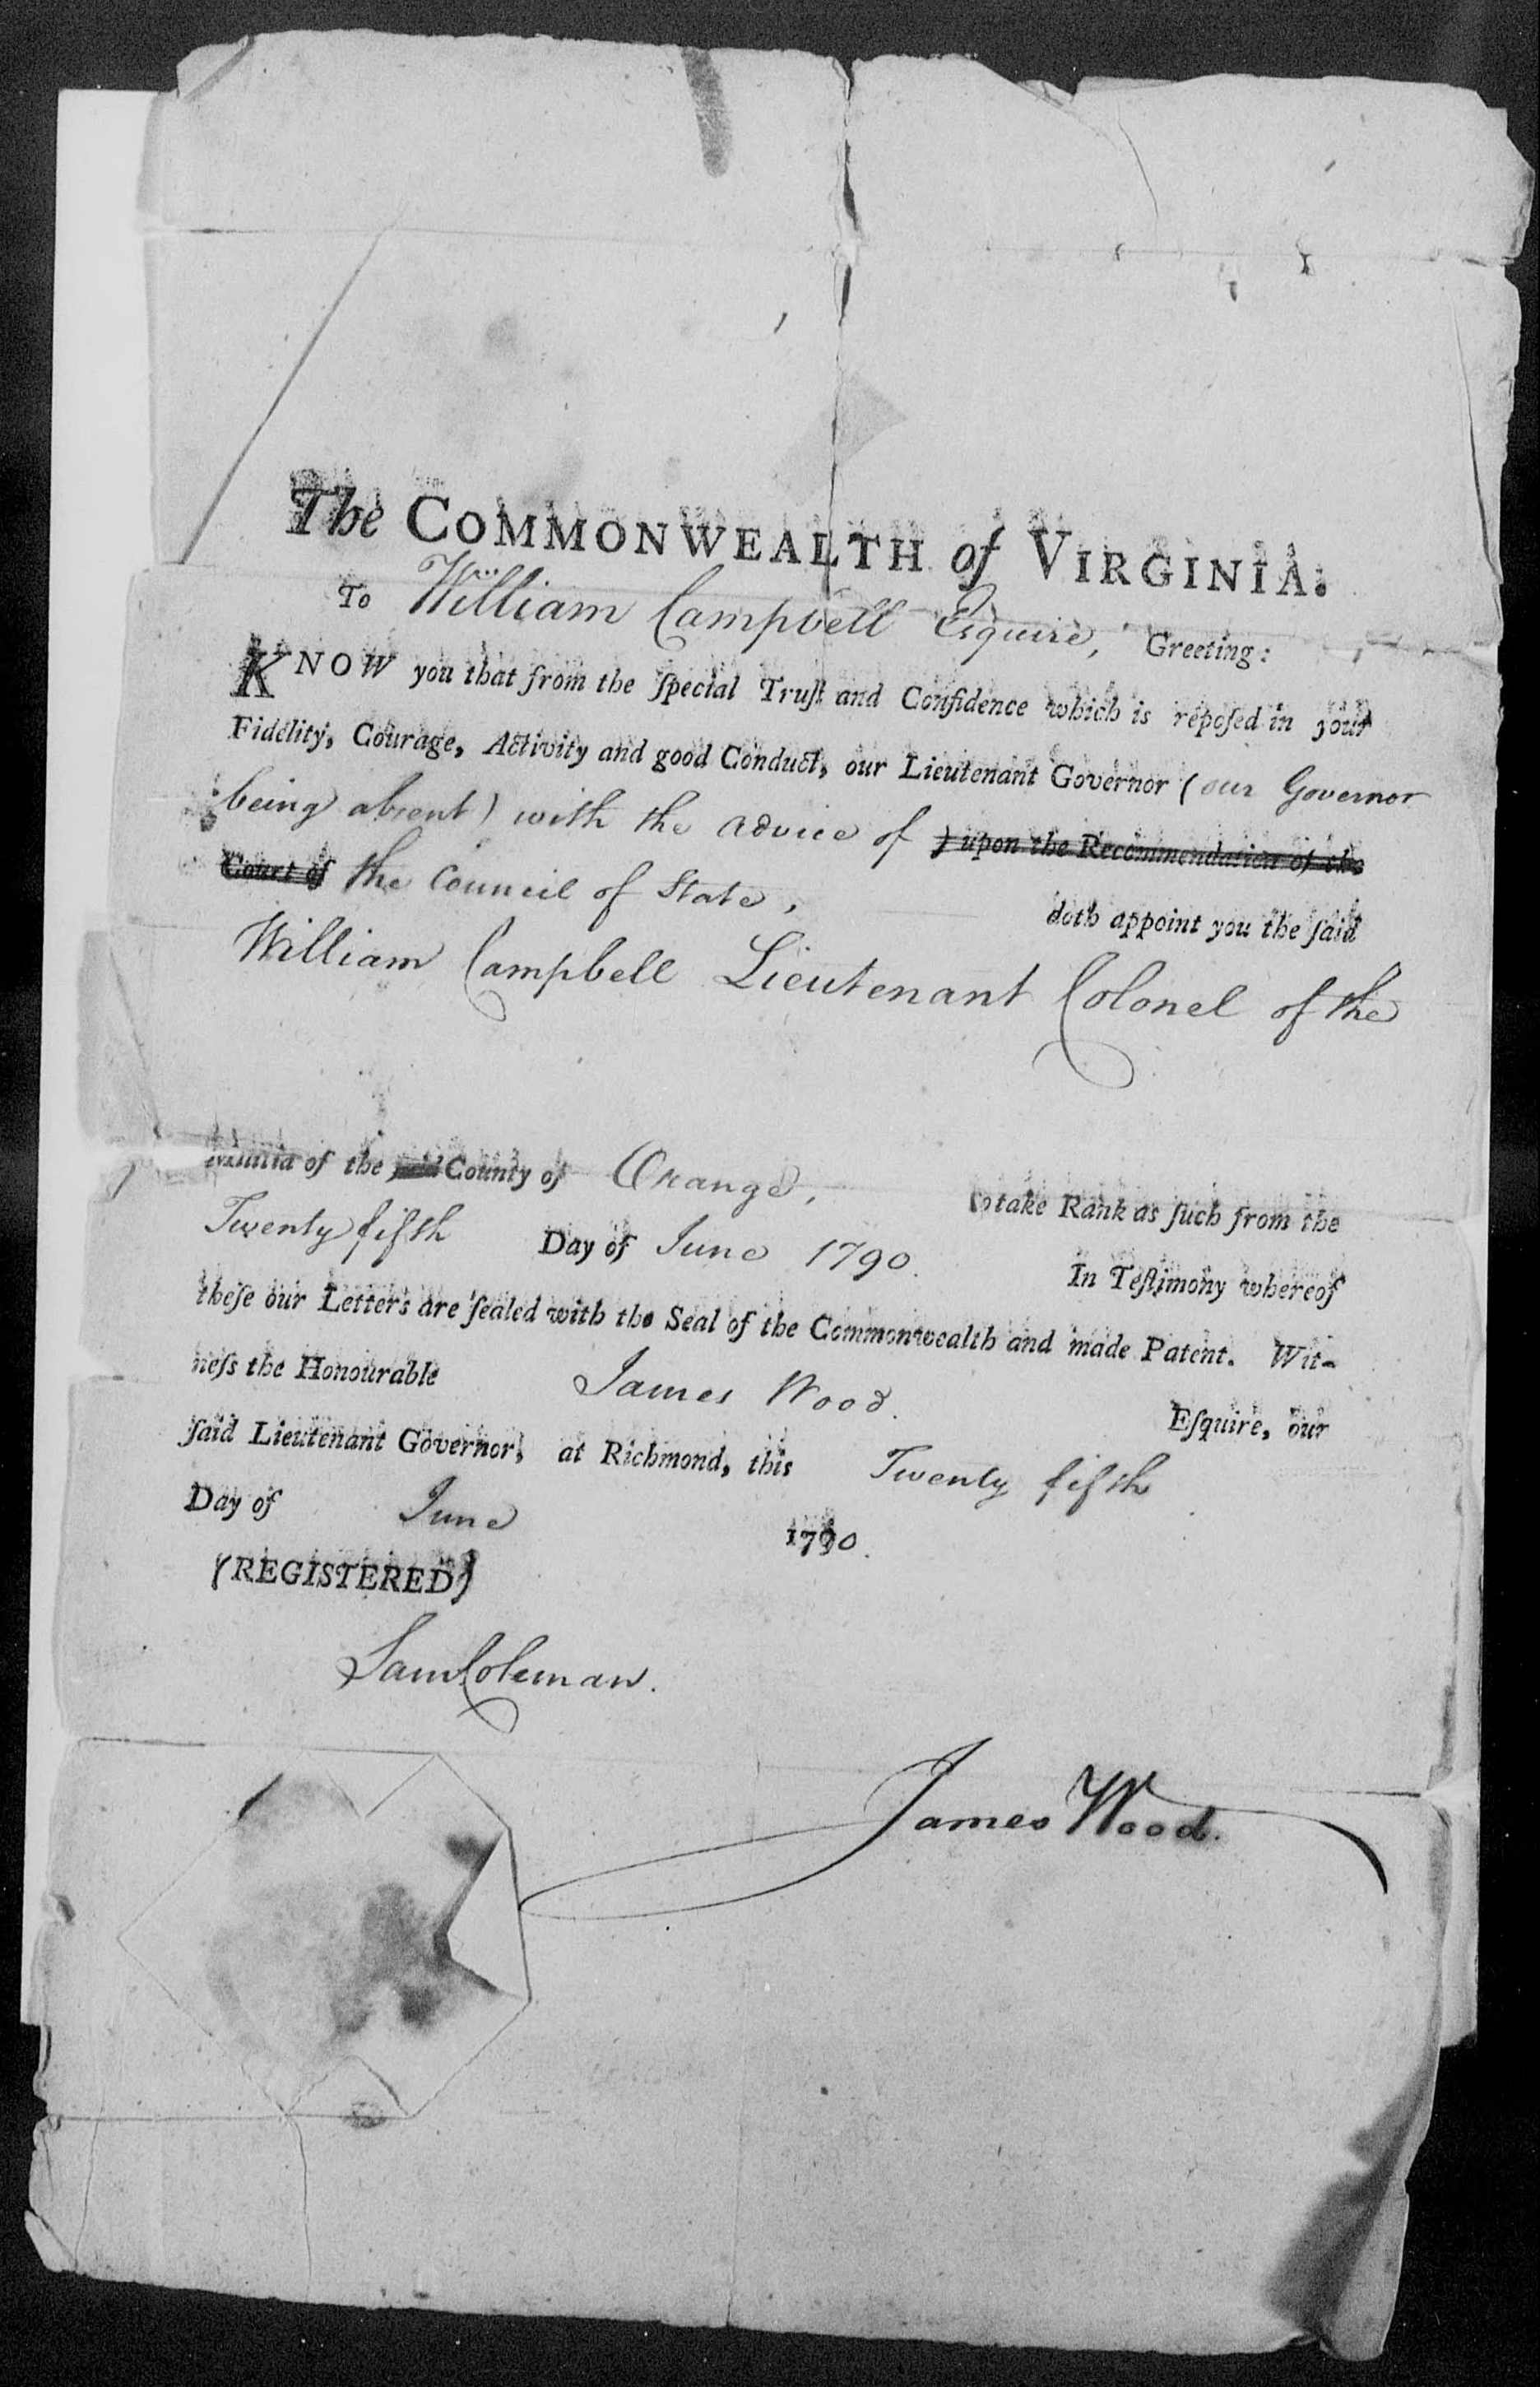The COMMONWEALTH of VIRGINIA.
To William Campbell Esquire, Greeting:
KNOW you that from the Special Trust and Confidence which is reposed in your Fidelity, Courage, Activity and good Conduct, our Lieutenant Governor (our Governor being absent) with the advice of [cross out] + upon the Recommendation of the Court of [end cross out] the Council of State, doth appoint you the said William Campbell Lieutenant Colonel of the Militia of the [cross out] said [end cross out] County of Orange, to take Rank as such from the Twenty fifth Day of June 1790. In testimony whereof these our Letters are sealed with the Seal of the Commonwealth and made Patent.  Witness the Honorable James Wood. Esquire, our said Lieutenant Governor, at Richmond, this Twenty fifth Day of June  1790.
(REGISTERED)
Sam Coleman. [signature]

James Wood [signature]

[indistinct  appearance of circular seal covered with paper containing nothing legible at left bottom of document]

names: William Campbell, Sam Coleman, James Wood, William Campbell, James Wood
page: 69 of 267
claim: widow's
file: W. 4,149, William Campbell, Va.